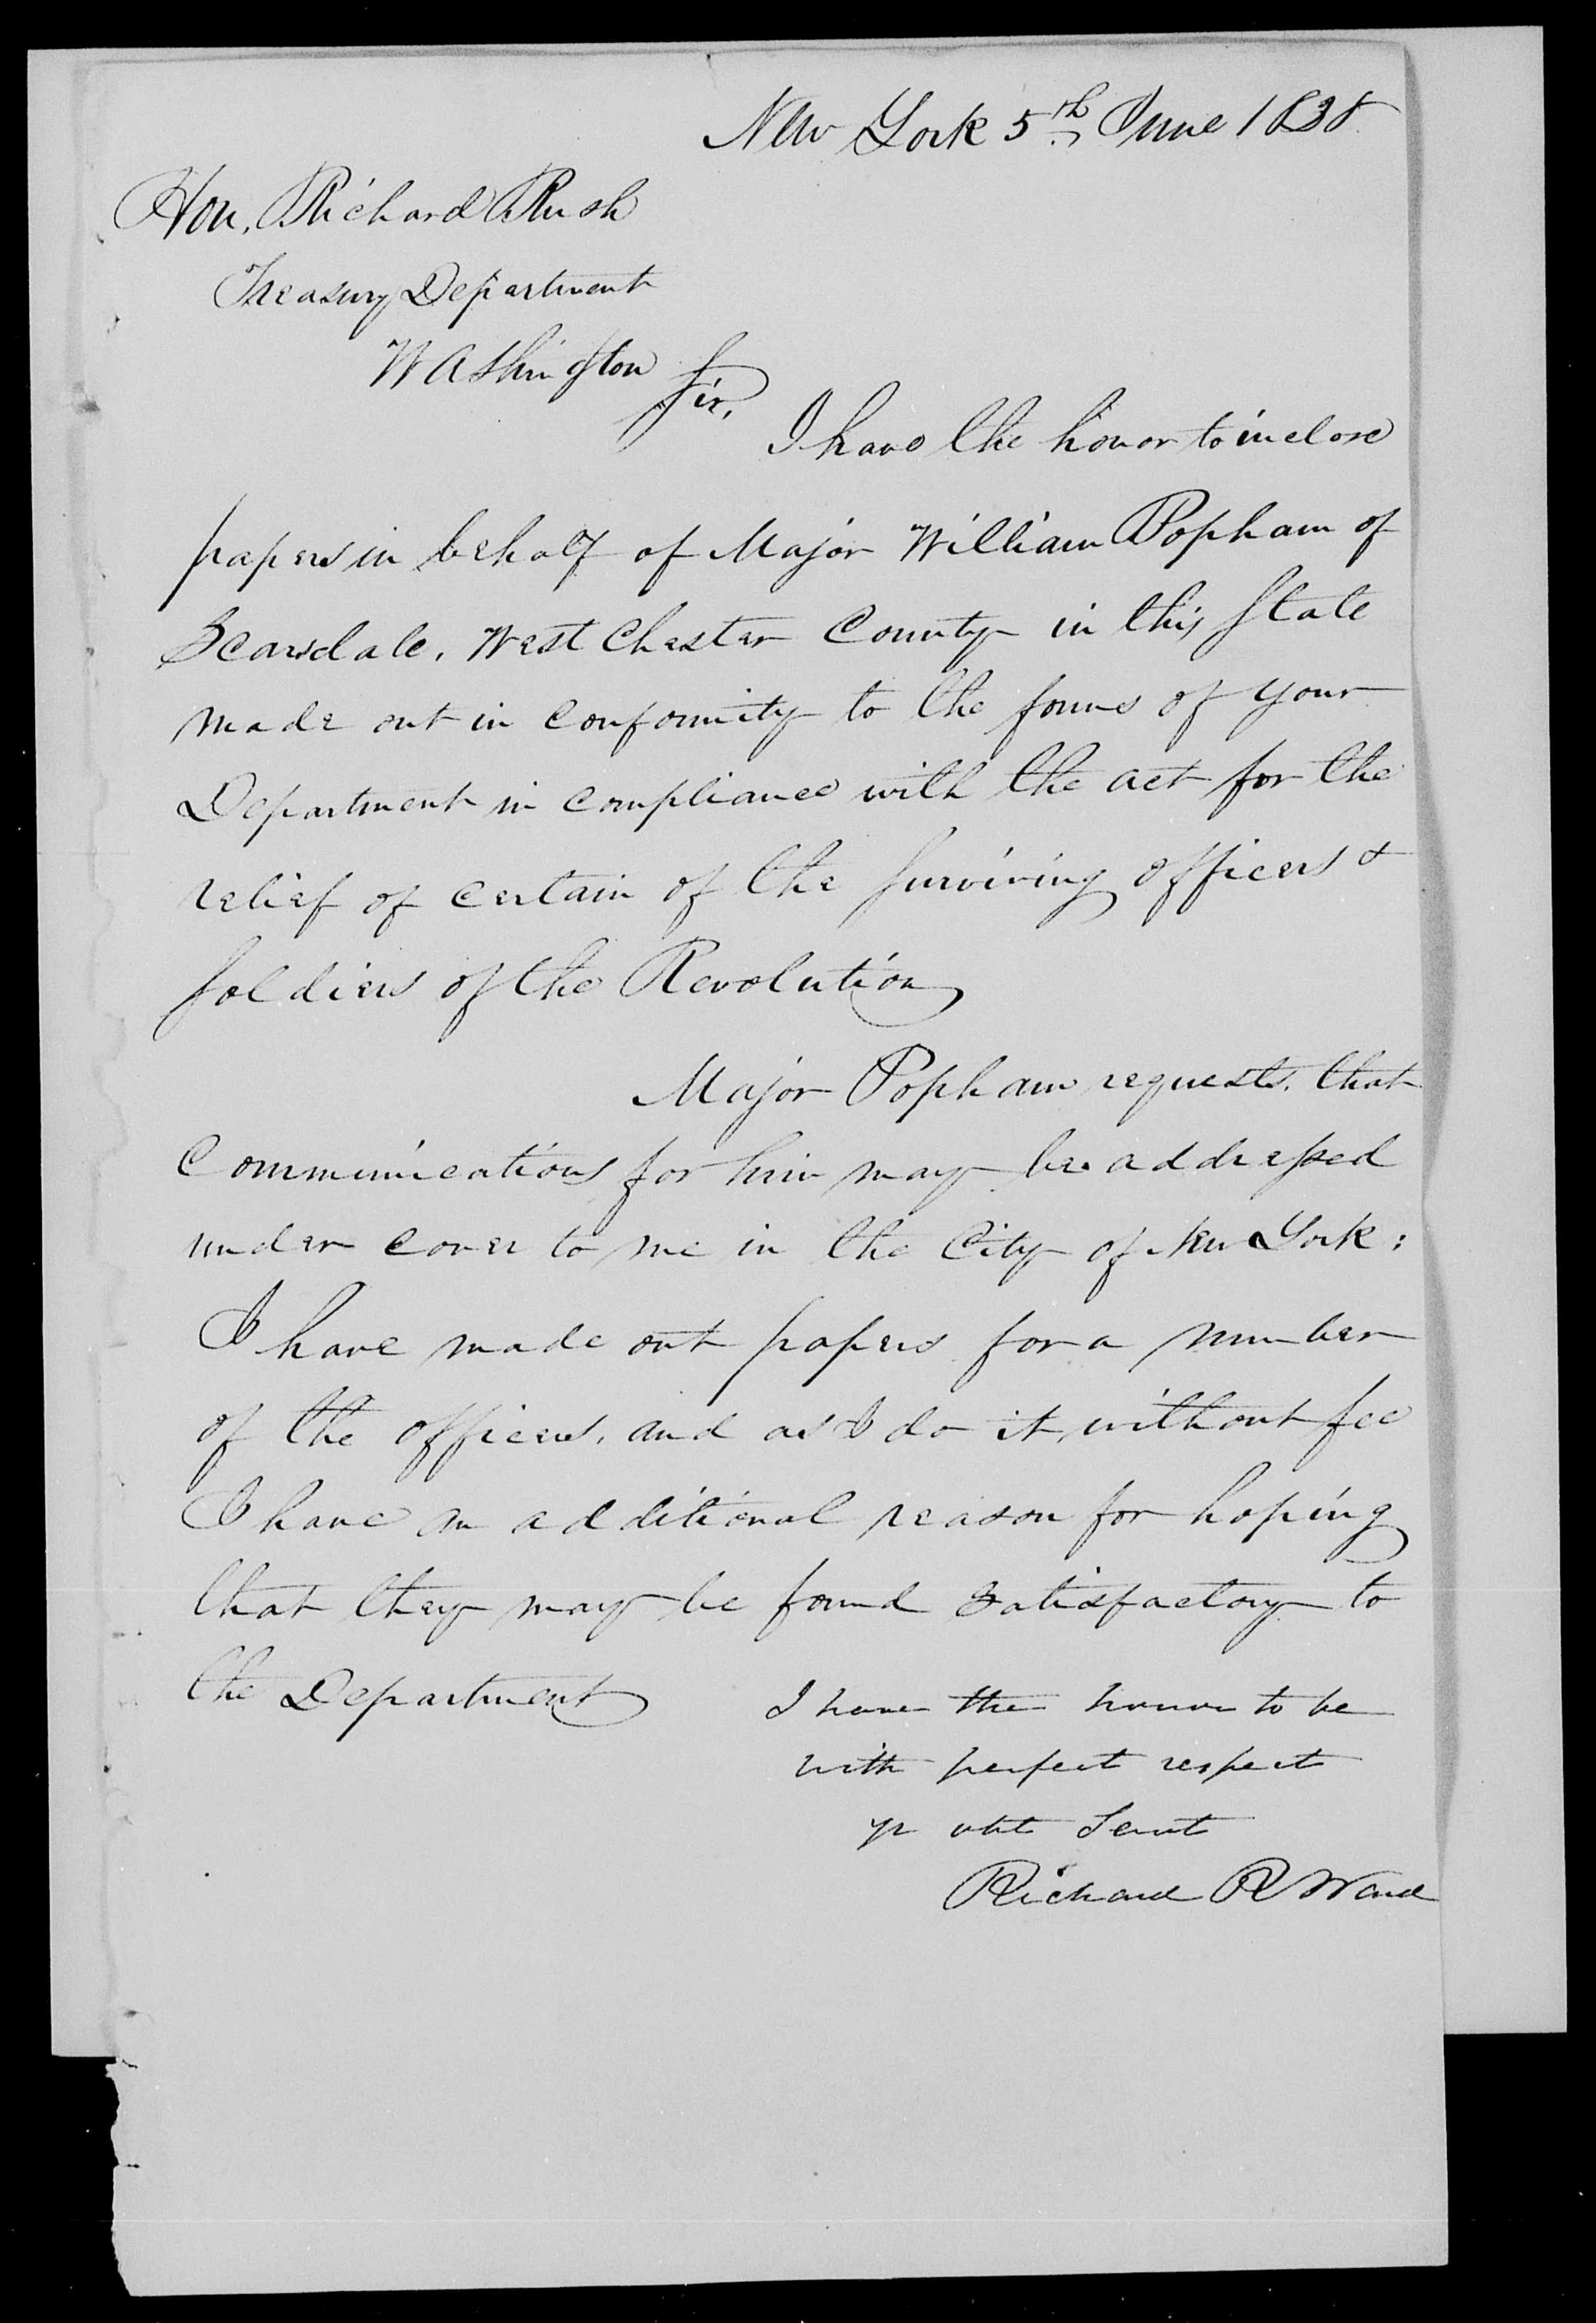New York 5th June 1838
Hon. Richard Rush
Treasury Department
Washington
Sir,
I have the honor to inclose
papers in behalf of Major William Popham of
Scarsdale, West Chester County in this State
made out in conformity to the forms of your
Department in compliance with the act for the
relief of certain of the surviving
officers &
soldiers of the Revolution
Major Popham request that
Communications for him may be addressed
under cover to me in the City of New York;
I have made out papers for a number
of the officers, and as I do it without fee
have an additional reason for hoping
that they may be found satisfactory to
the Department
I have the honor to be
with perfect respect
yr obt Servt
Richard R Ward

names: Richard Rush; Richard R Ward; William Popham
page: 75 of 75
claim: survivor's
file: S. 9989, for William Popham, Delaware